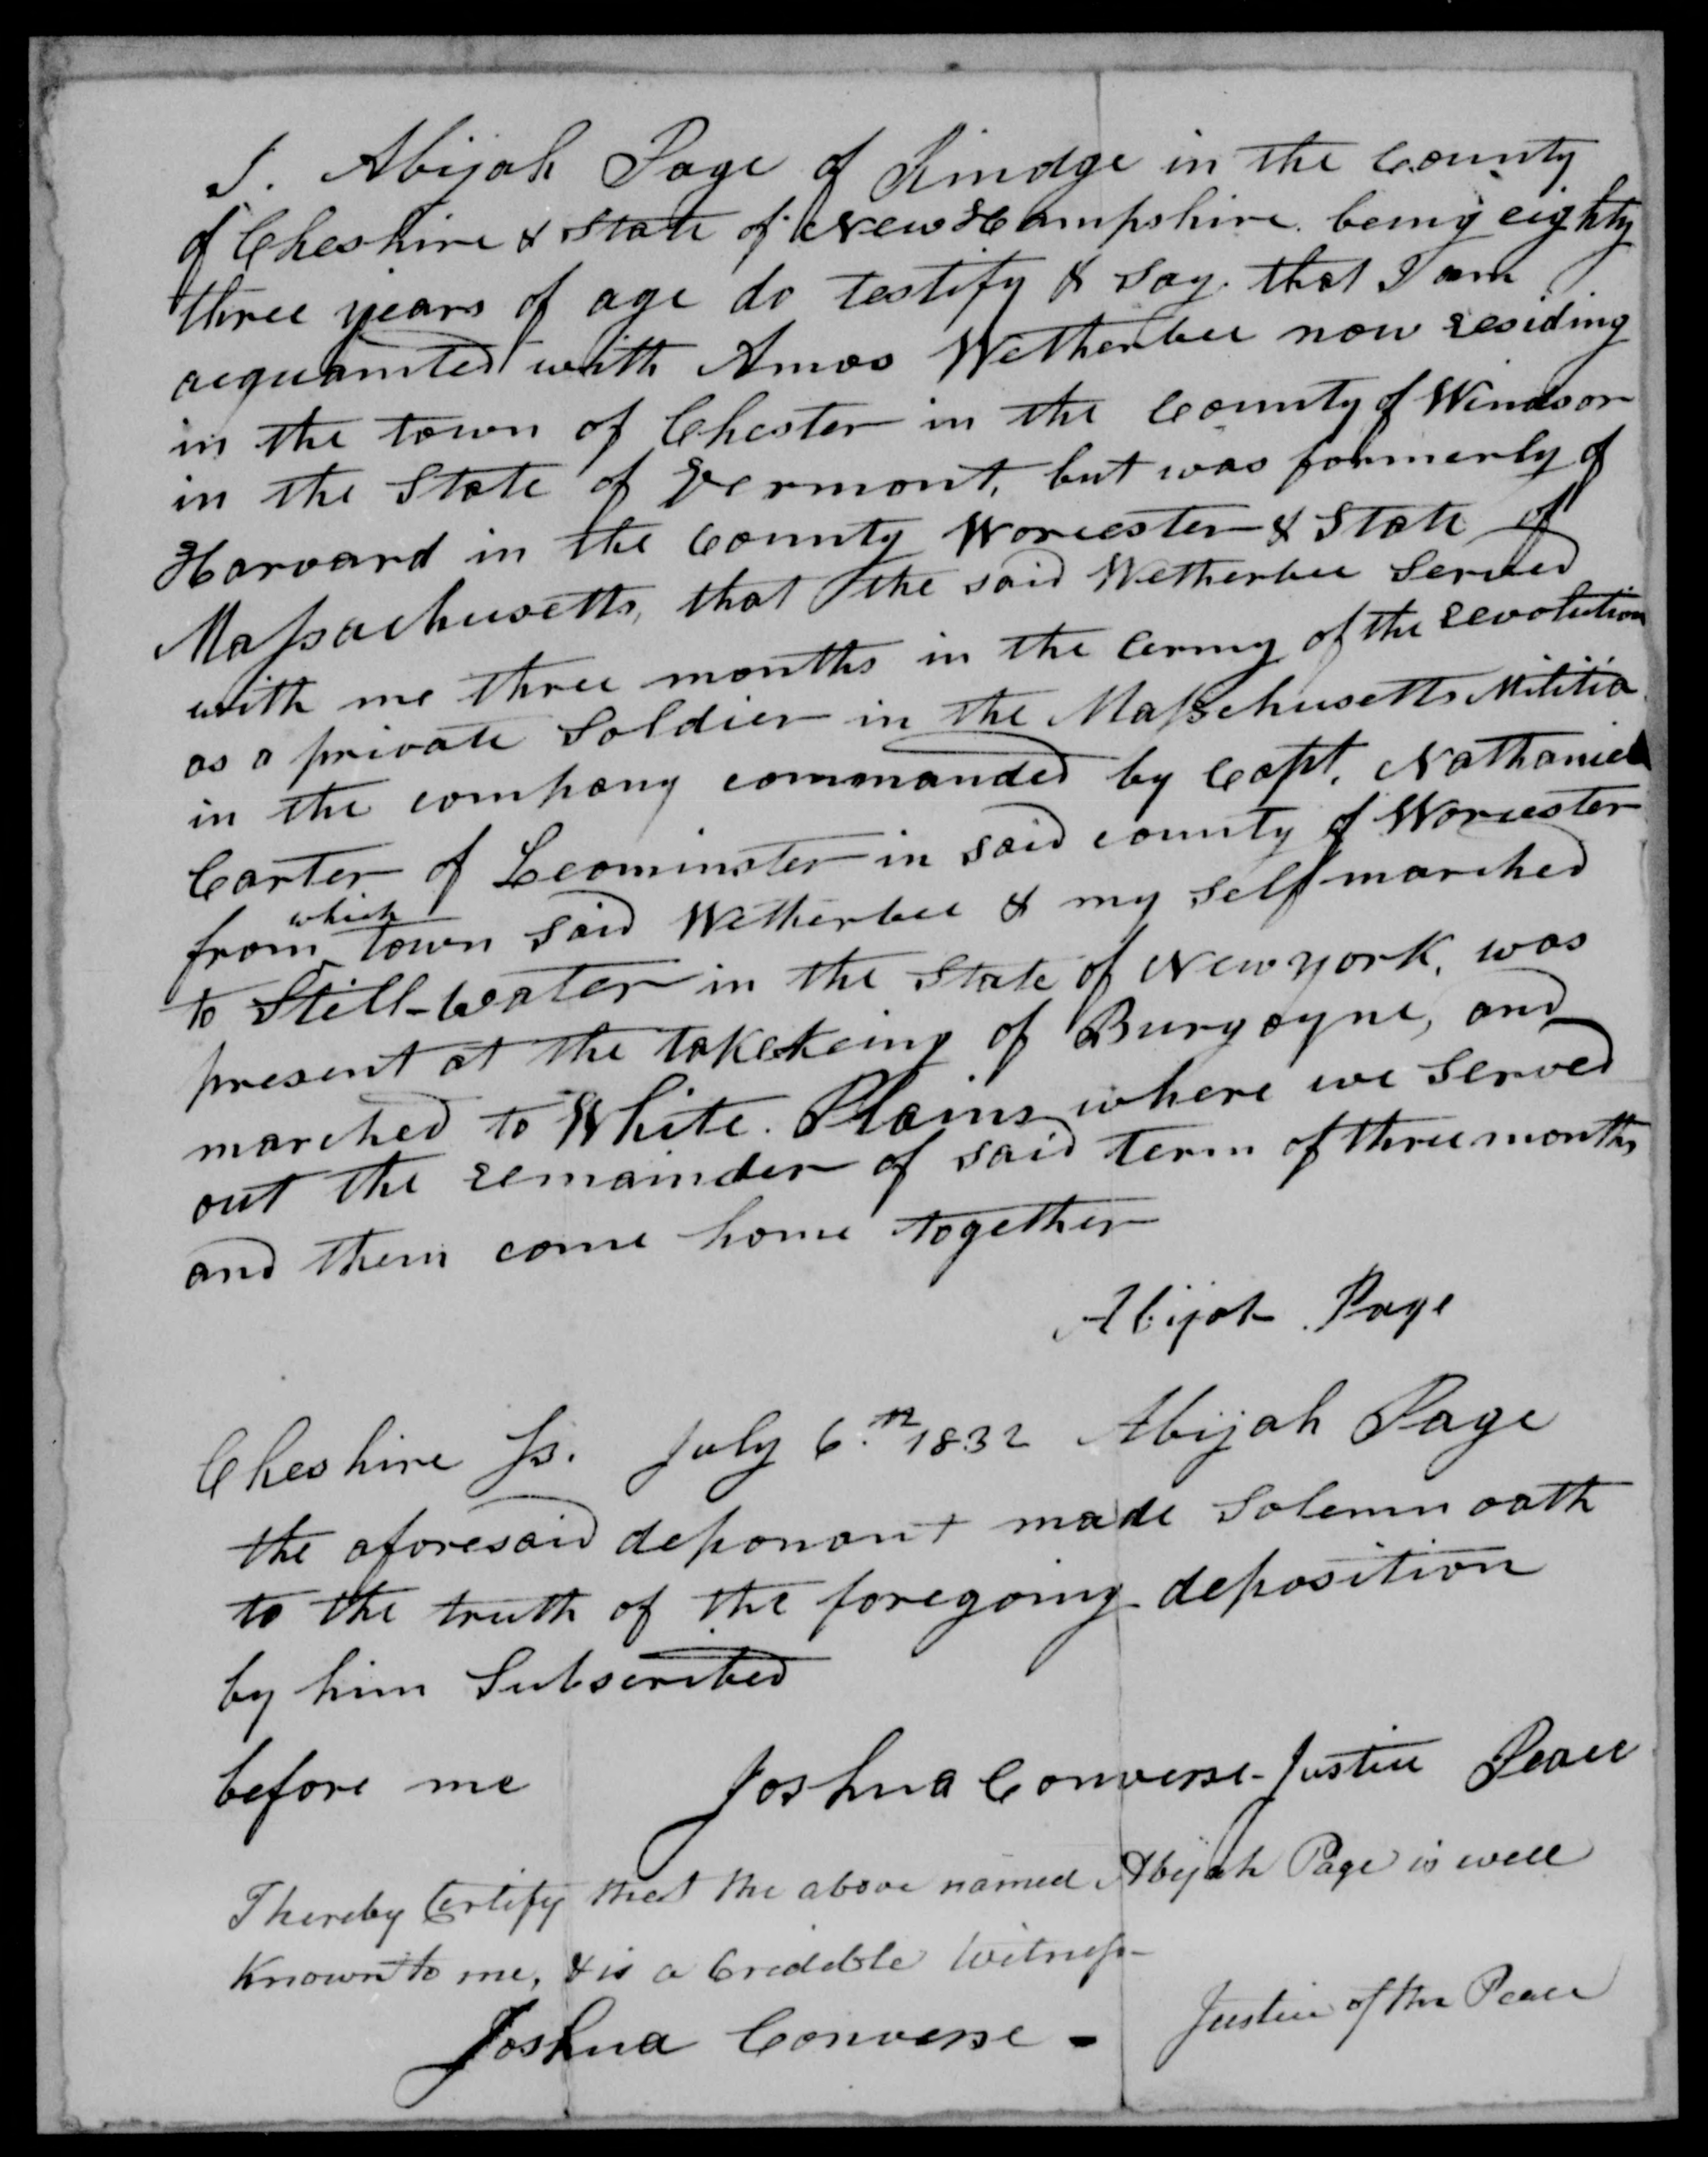I, Abijah Page of Rindge in the county of Cheshire & state of New Hampshire being eighty three years of age do testify & say that I am acquainted with Amos Wetherbee ow residing in the town of Chester in the County of Windsor in the State of Vermont, but was formerly of Harvard in the County of Worcester & State of Massachusetts, that the said Wetherbee served with me three months in the army of the revolution as a private soldier in the Massachusetts Militia in the company commanded by Captain Nathaniel Carter of Leominster in said county of Worcester from which town said Wetherbee & my self marched to Still-water in the State of New York, was present at the takekeing of Burgoyne, and marched to White Plains where we served out the remainder of said term of three months and then came home together.
Abijah Page

Cheshire SS. July 6th 1832 Abijah Page the aforesaid deponant made solemn oath to the truth of the foregoing deposition by him subscribed before me
Joshua Converse-Justice Peace
Thereby certify that the above named Abijah page is well known to me & is a credible witness.
Joshua Converse-Justice of the Peace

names: Nathaniel Carter, Abijah Page, Joshua Converse, Burgoyne, Amos Wetherbee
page: 44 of 66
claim: widow's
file: W. 2468, Amos Wetherbee, Mass.